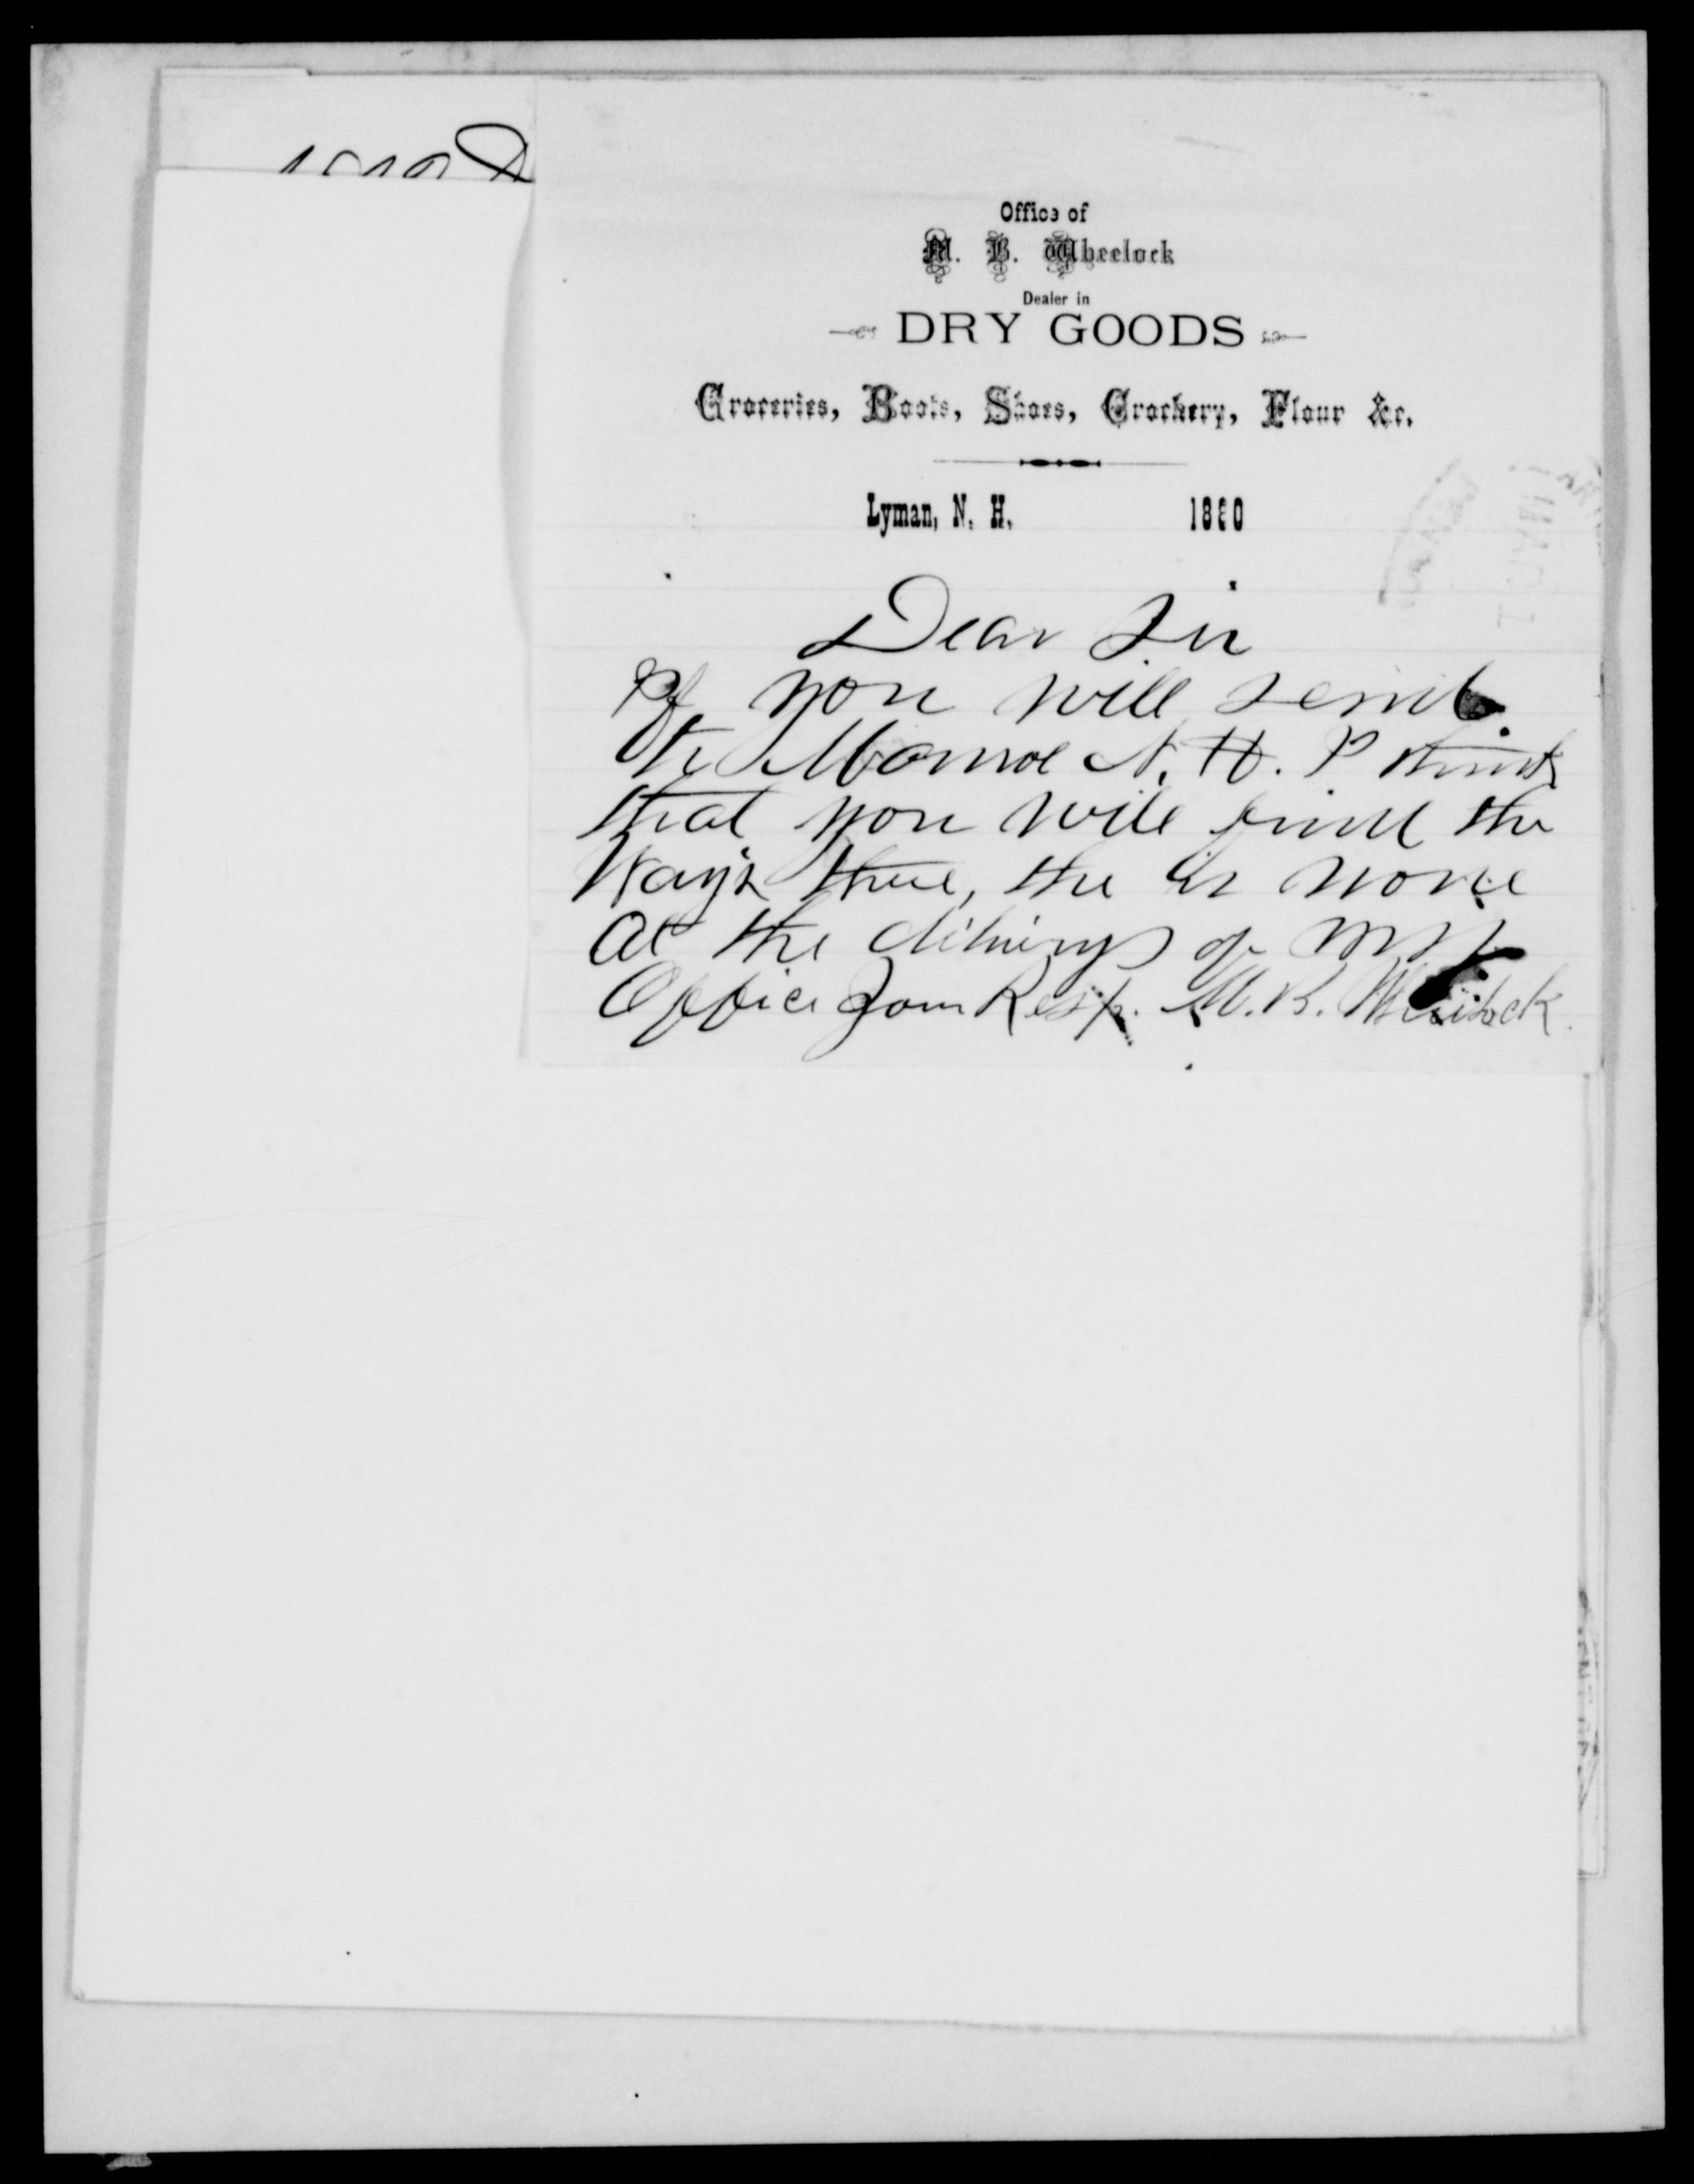Office of M. B. Wheelock
Dealer in
DRY GOODS
Groceries, Boots, Stars, Crockery, Flour &c.
Lyman, N. H. 1880
Dear Sir
If you will send
born N.H. I think
that you will find the
Way's there, the is none
at the living of my
Office for Resp. M. B. Wheelock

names: Way, M B Whitock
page: 62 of 78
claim: widow's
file: W. 25856, Samuel Way, N.H.